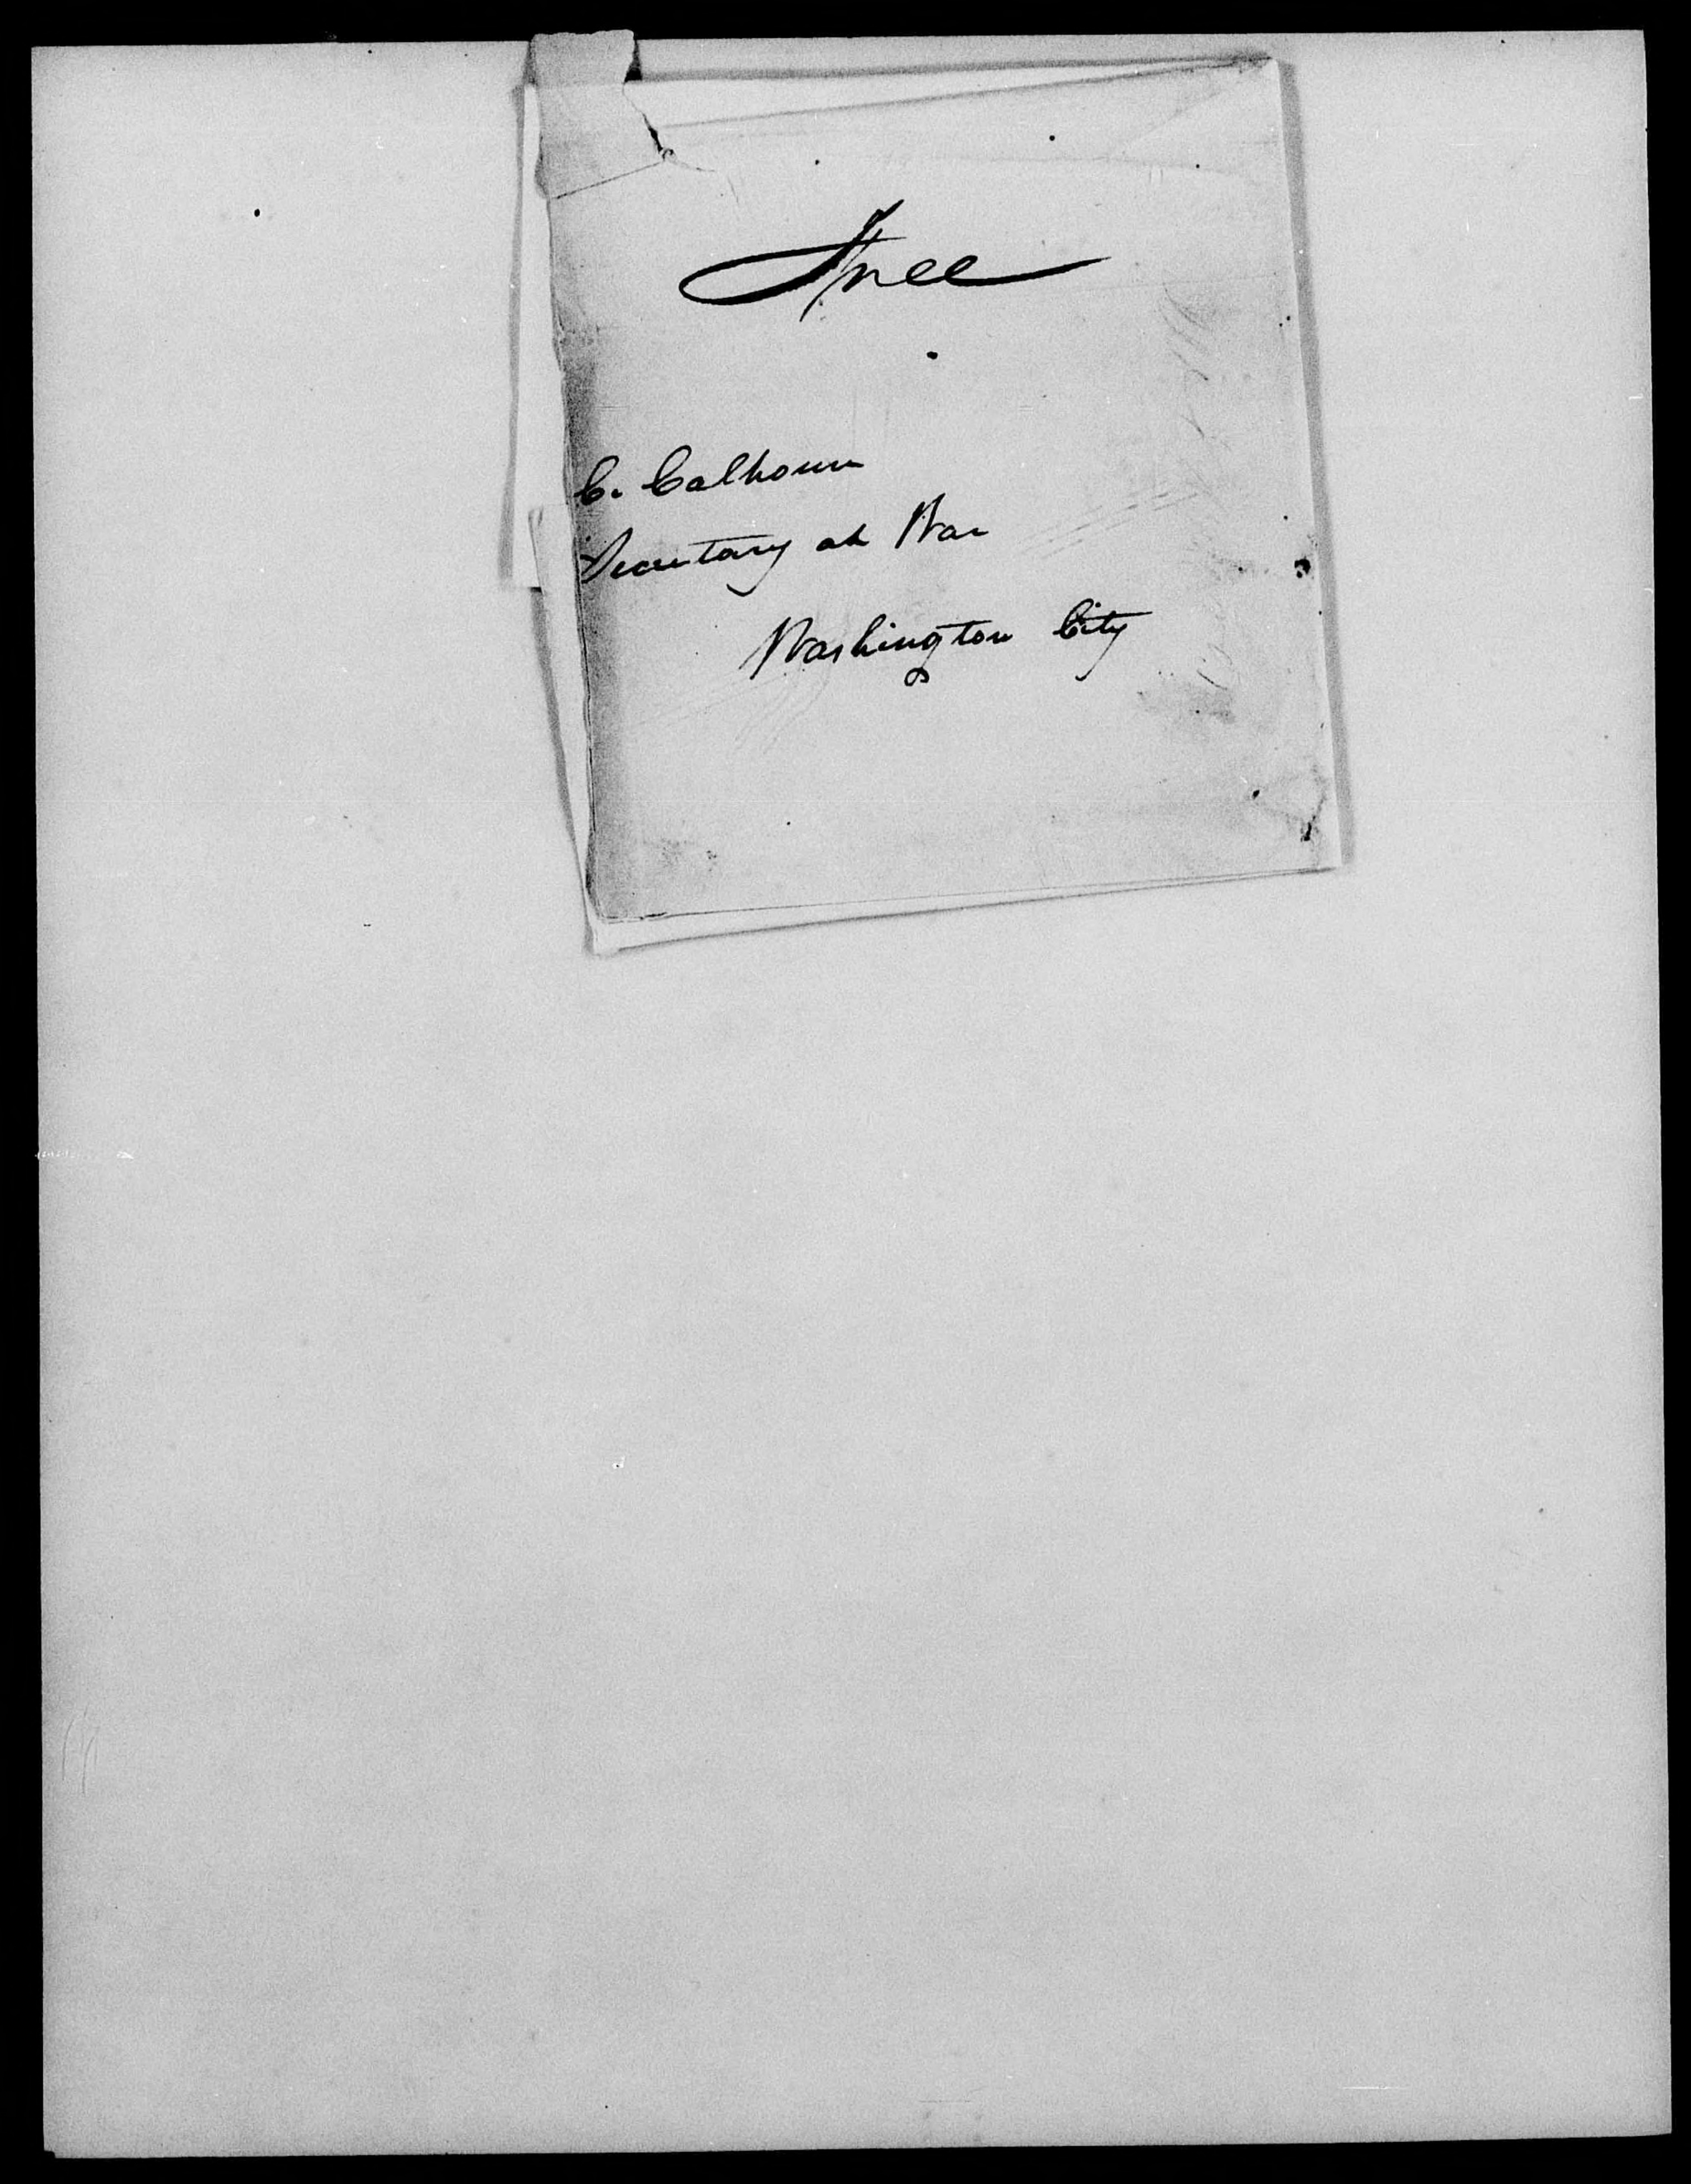Free

J.C. Calhoun
Secretary of War
Washington City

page: 40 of 77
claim: widow's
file: W 2954, for James Mc Gee, Delaware